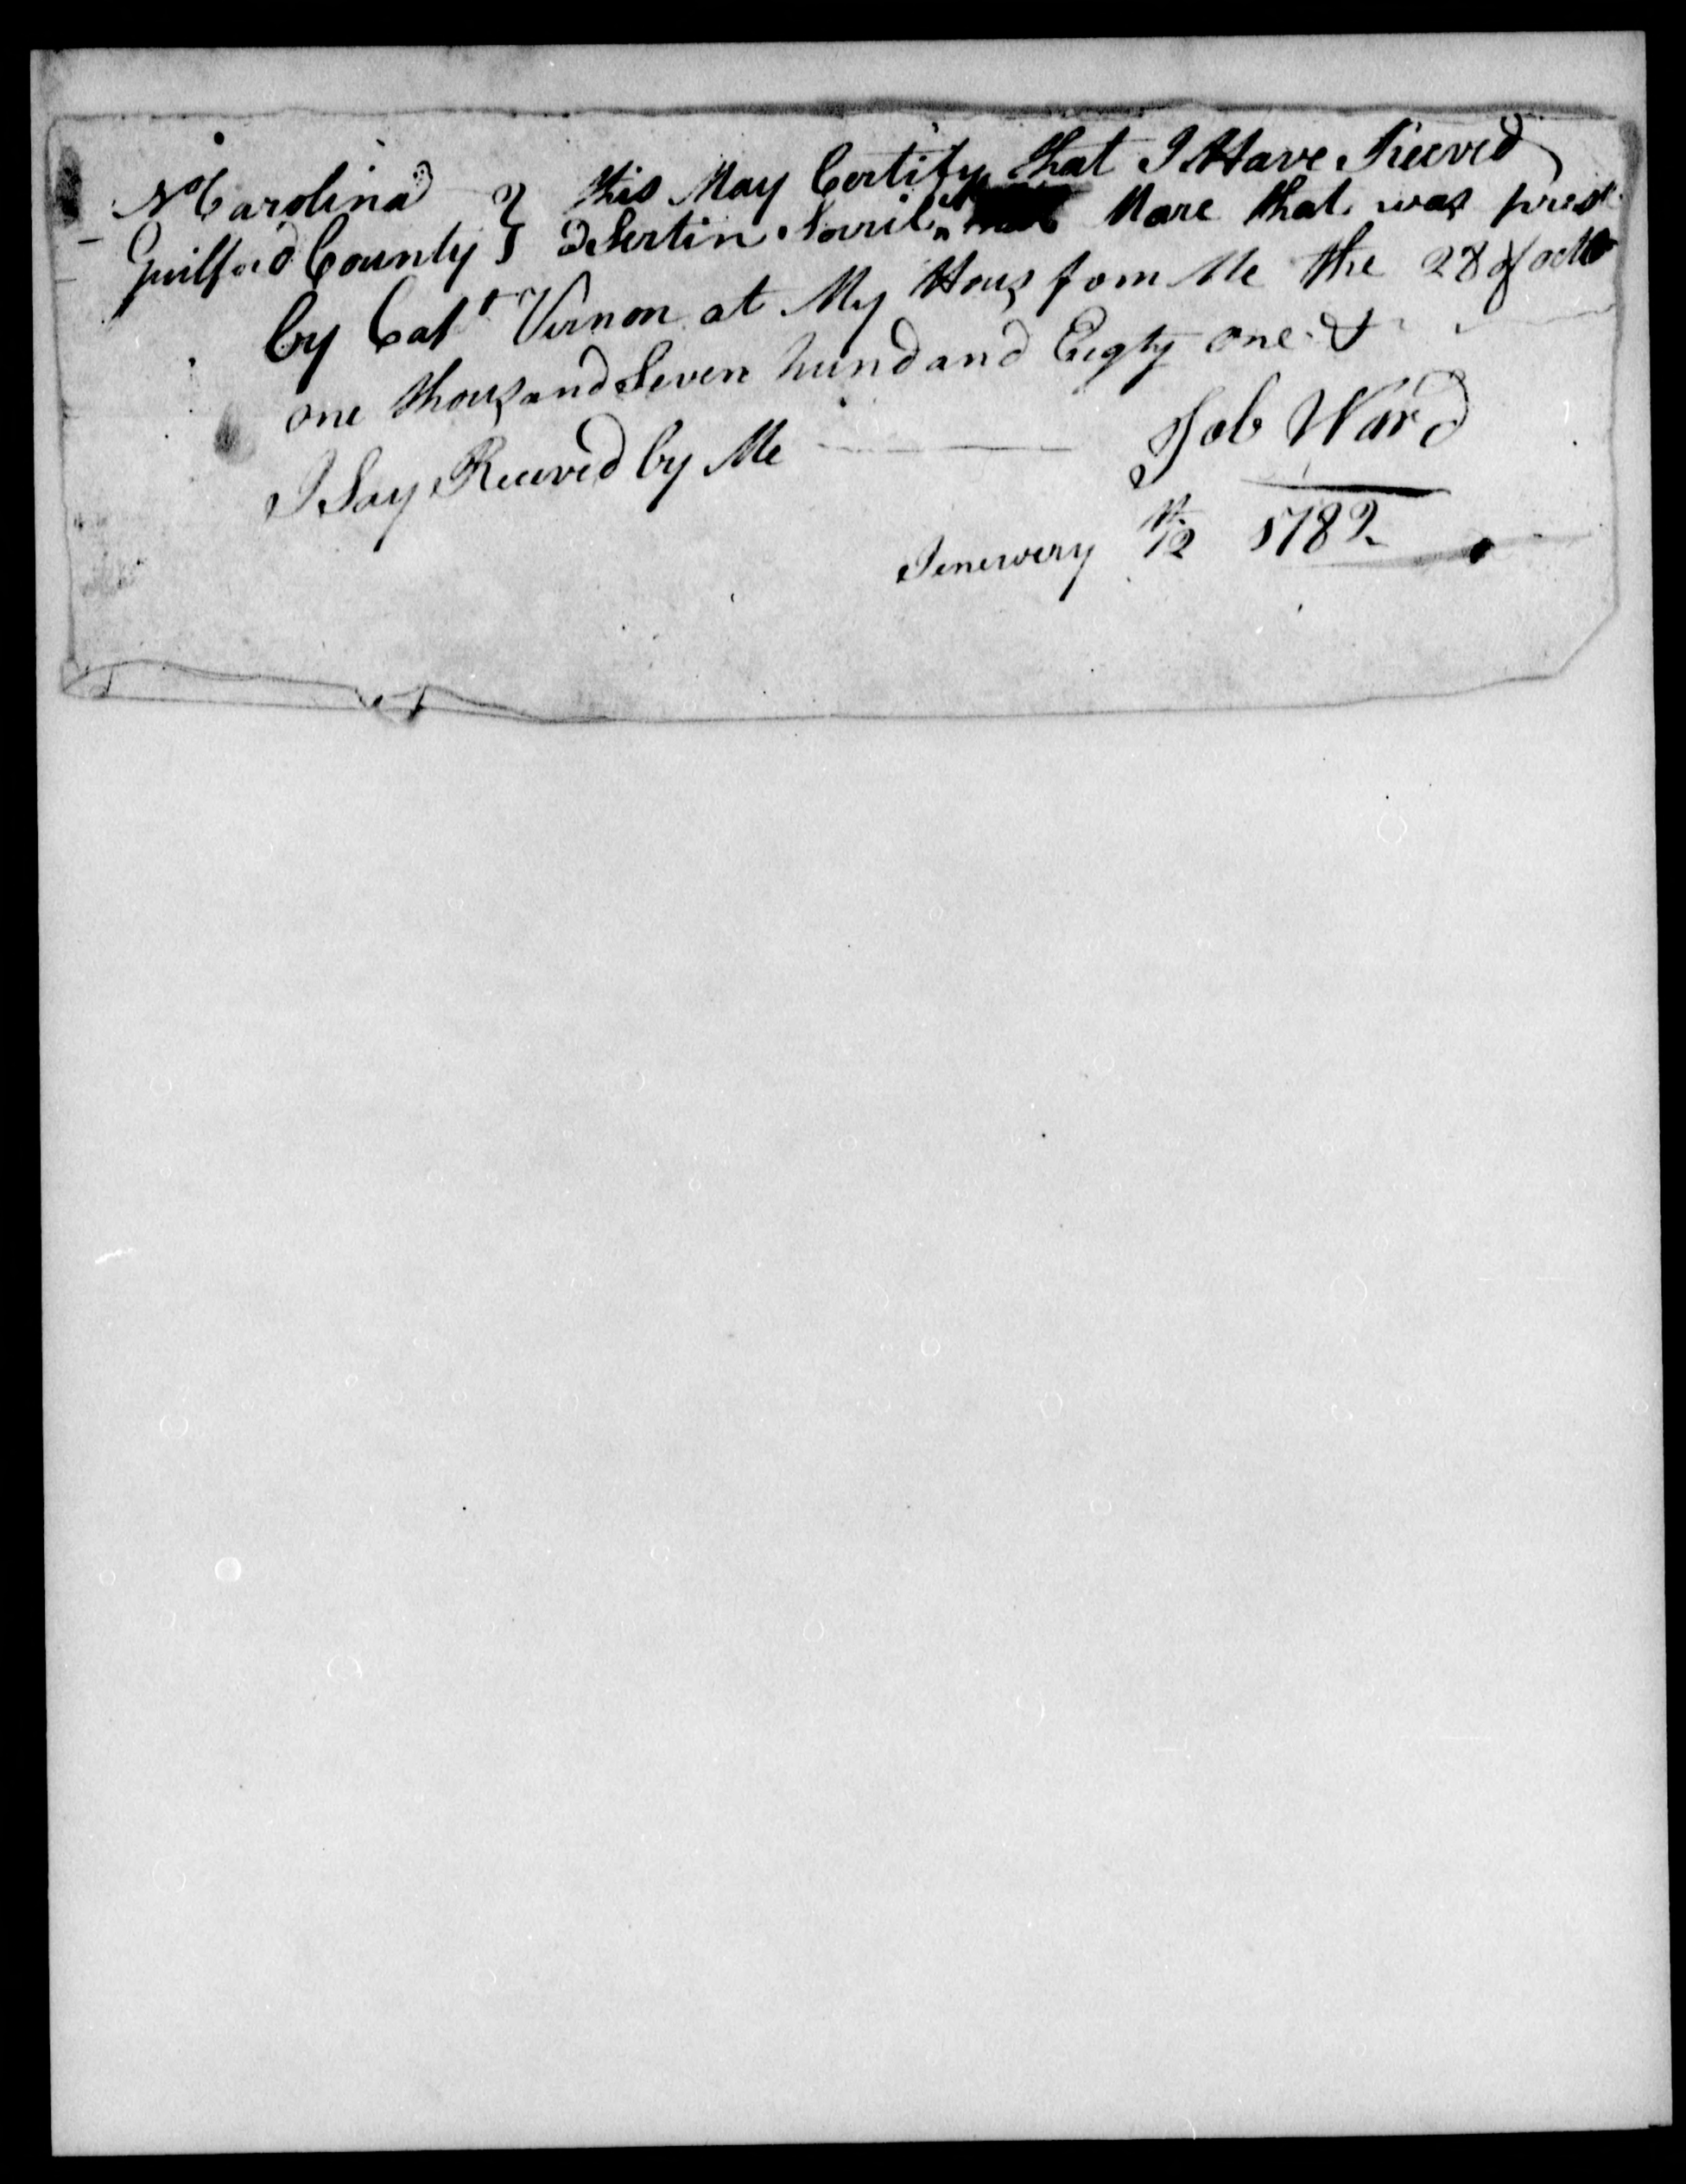N Carolina}
Guilford County} 
This May Certify that I Have, Received a Sertin [sic] Sorril [sic] Mare that was pressed by Capt. Vernon at My Hous [sic] from Me the 28 of Oct. one Thousand and Seven hund. and Eighty one & I Say Received by Me    
Job Ward
January 12th, 1782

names: Job Ward, Vernon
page: 21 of 105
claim: survivor's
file: S. 1883, Richard Vernon, N.C.